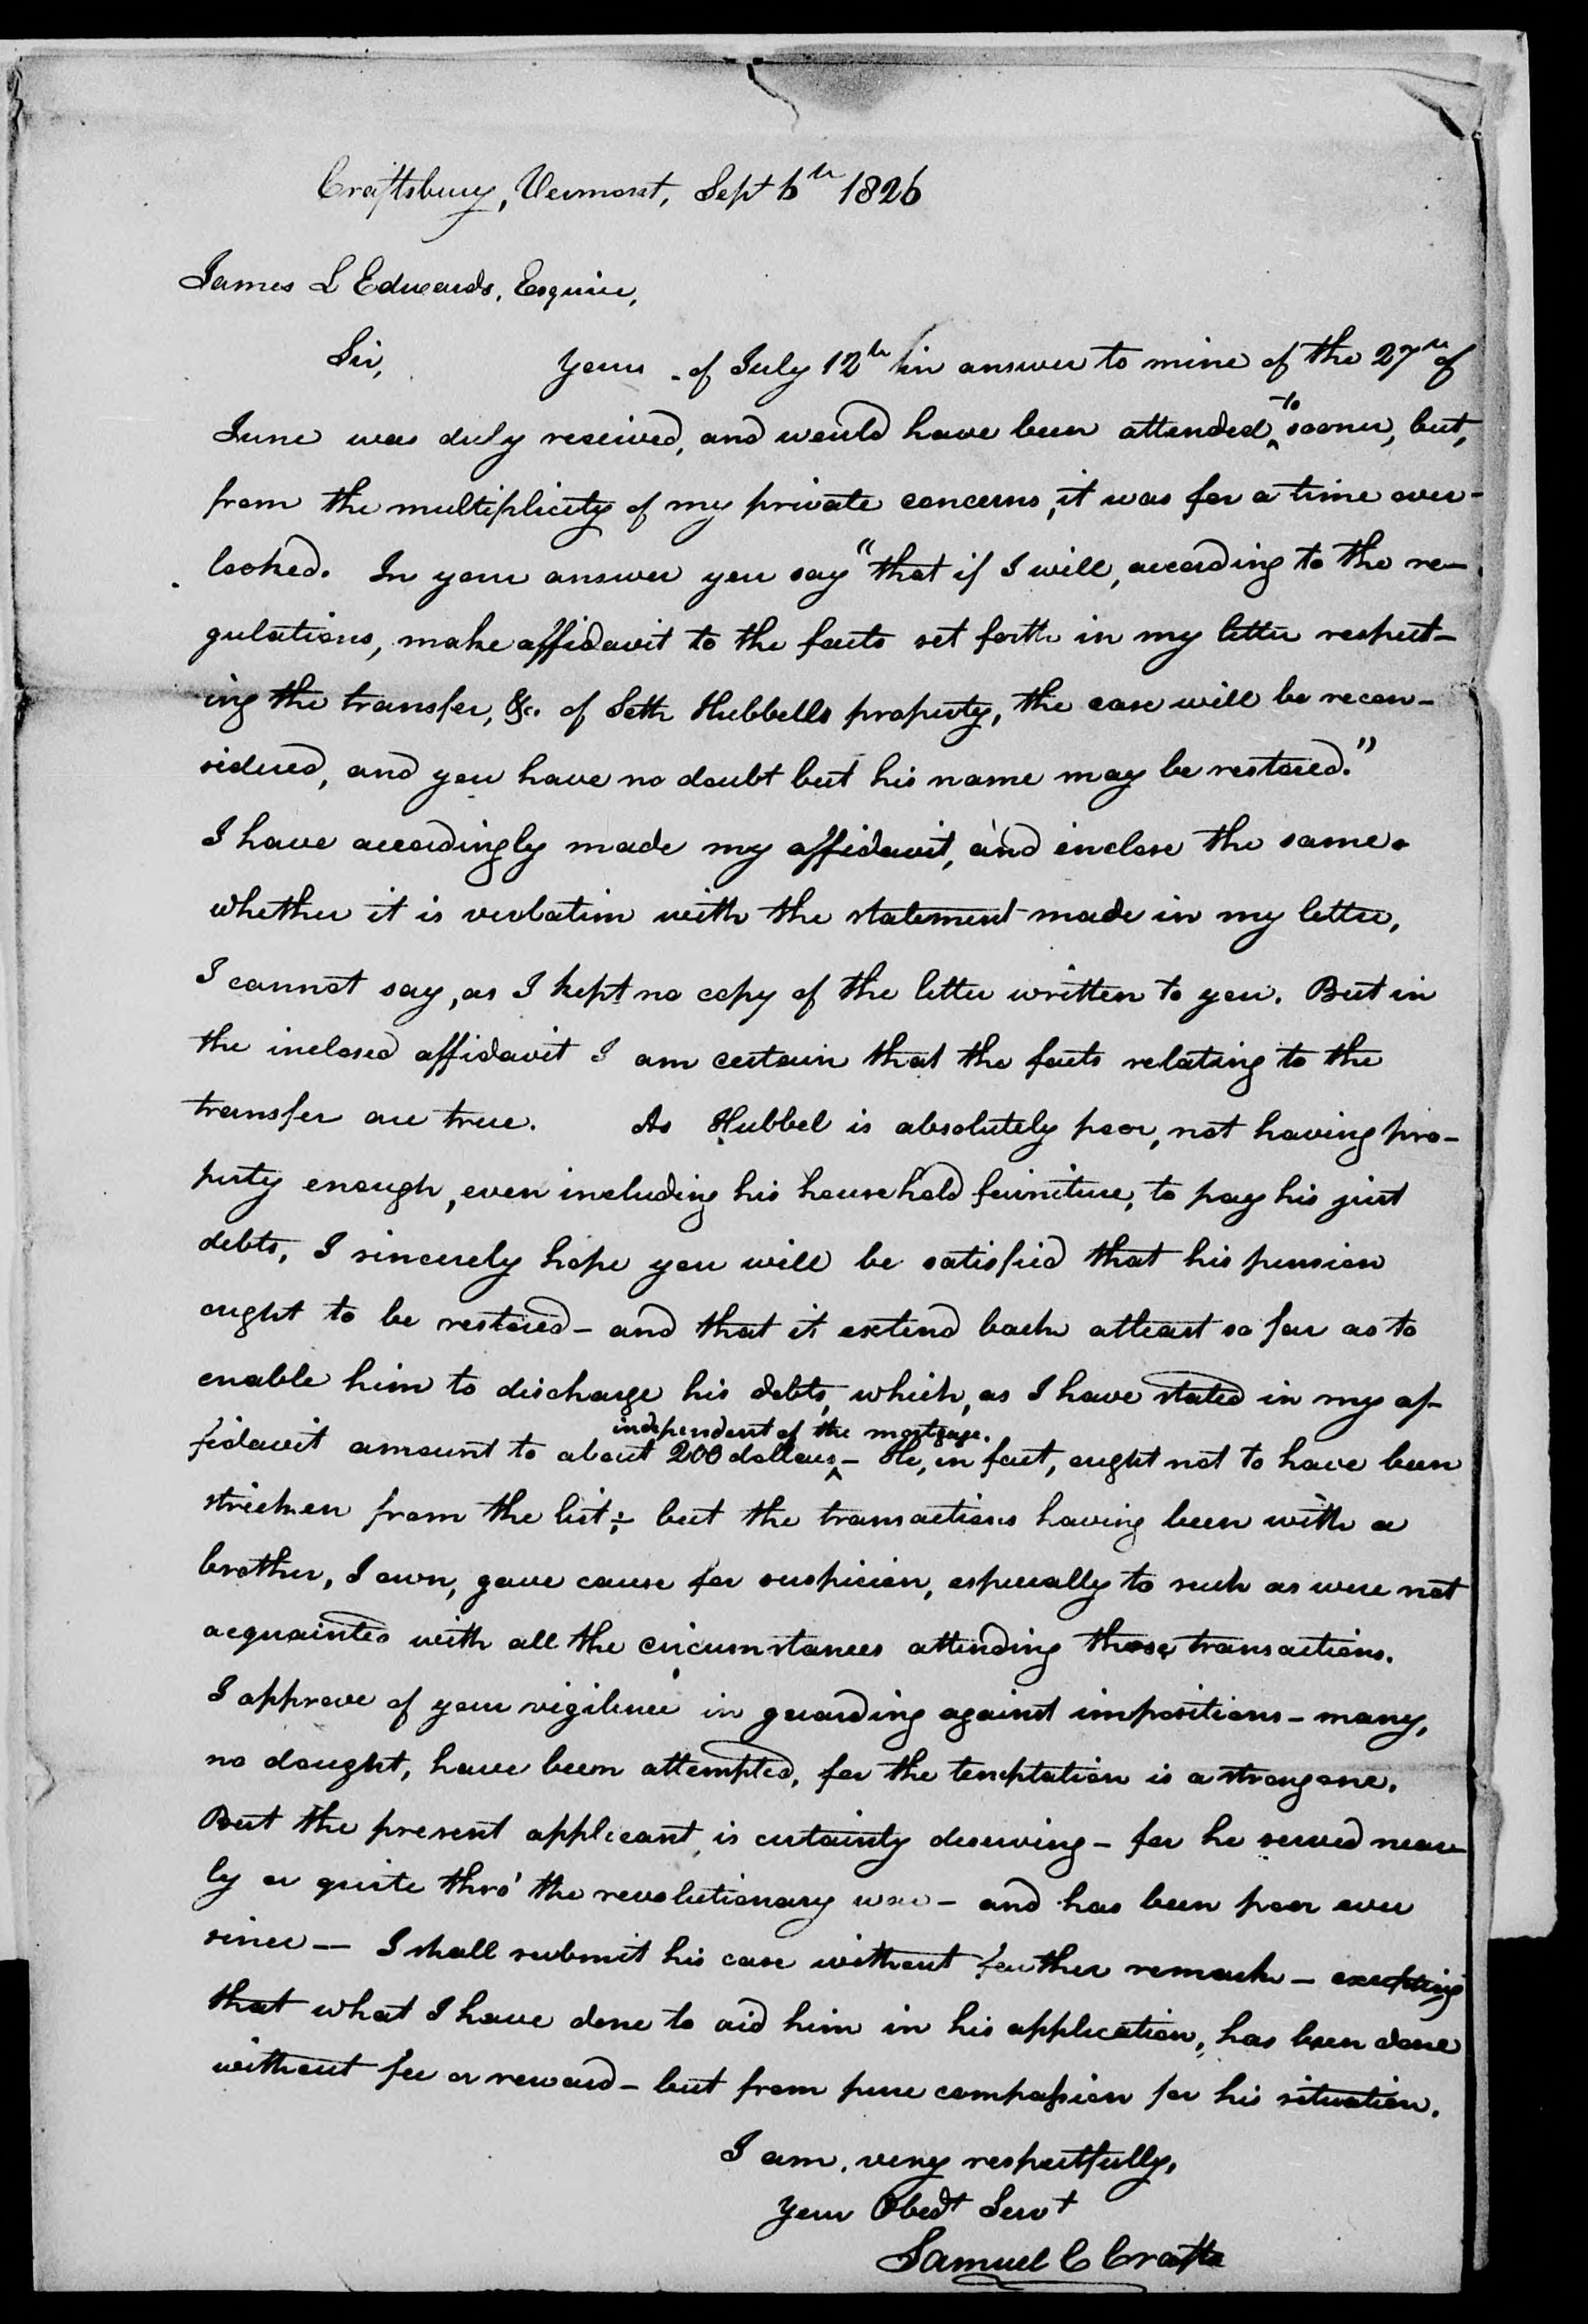Craftsbury, Vermont, Sept 6th 1826

James L Edwards, Esquire,
Sir,
Yours of July 12th in answer to mine of the 27th of June was duly received, and would have been attended to sooner, but, from the multiplicity of my private concerns, it was for a time overlooked. In your answer you say "that if I will, according to the regulations, make affidavit to the facts set forth in my better respecting the transfer, &c. of Seth Hubbell property, the case will be reconsidered, and you have no doubt but his name may be restored." I have accordingly made my affidavit, and inclose the same whether it is violation with the statement made in my letter, I cannot say, or I kept no copy of the letter written to you. But in the inclosed affidavit I am certain that the facts relating to the transfer are true. As Hubbel is absolutely poor, not having property enough, even including his household furniture, to pay his just debts, I sincerely hope you will be satisfied that his pension ought to be restored - and that it extend both attest so far as to enable him to discharge his debts, which, as I have stated in my affidavit amount to about 200 dollars independent of the mortgage. He, in fact, ought not to have been stricken from the list - but the transactions having been with a brother, I own, gave cause for suspicion, especially to such as were not acquainted with all the circumstances attending these transactions. I approve of your vigilance in grounding against impositions - many, no dought, have been attempted, for the temptation is a strong one. But the present applicant is certainly deserving - for he served nearly or quite thro' the revolutionary war - and has been poor ever since - shall resubmit his case without further remark - exacting[?] without fee or reward - but from him compassion for his situation.

I am, very respectfully,
Your Obedient Servant
Samuel C Crafts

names: James L Edwards, Samuel C Crafts, Seth Hubbell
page: 75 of 114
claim: widow's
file: W. 2115, Seth Hubbell, Conn.